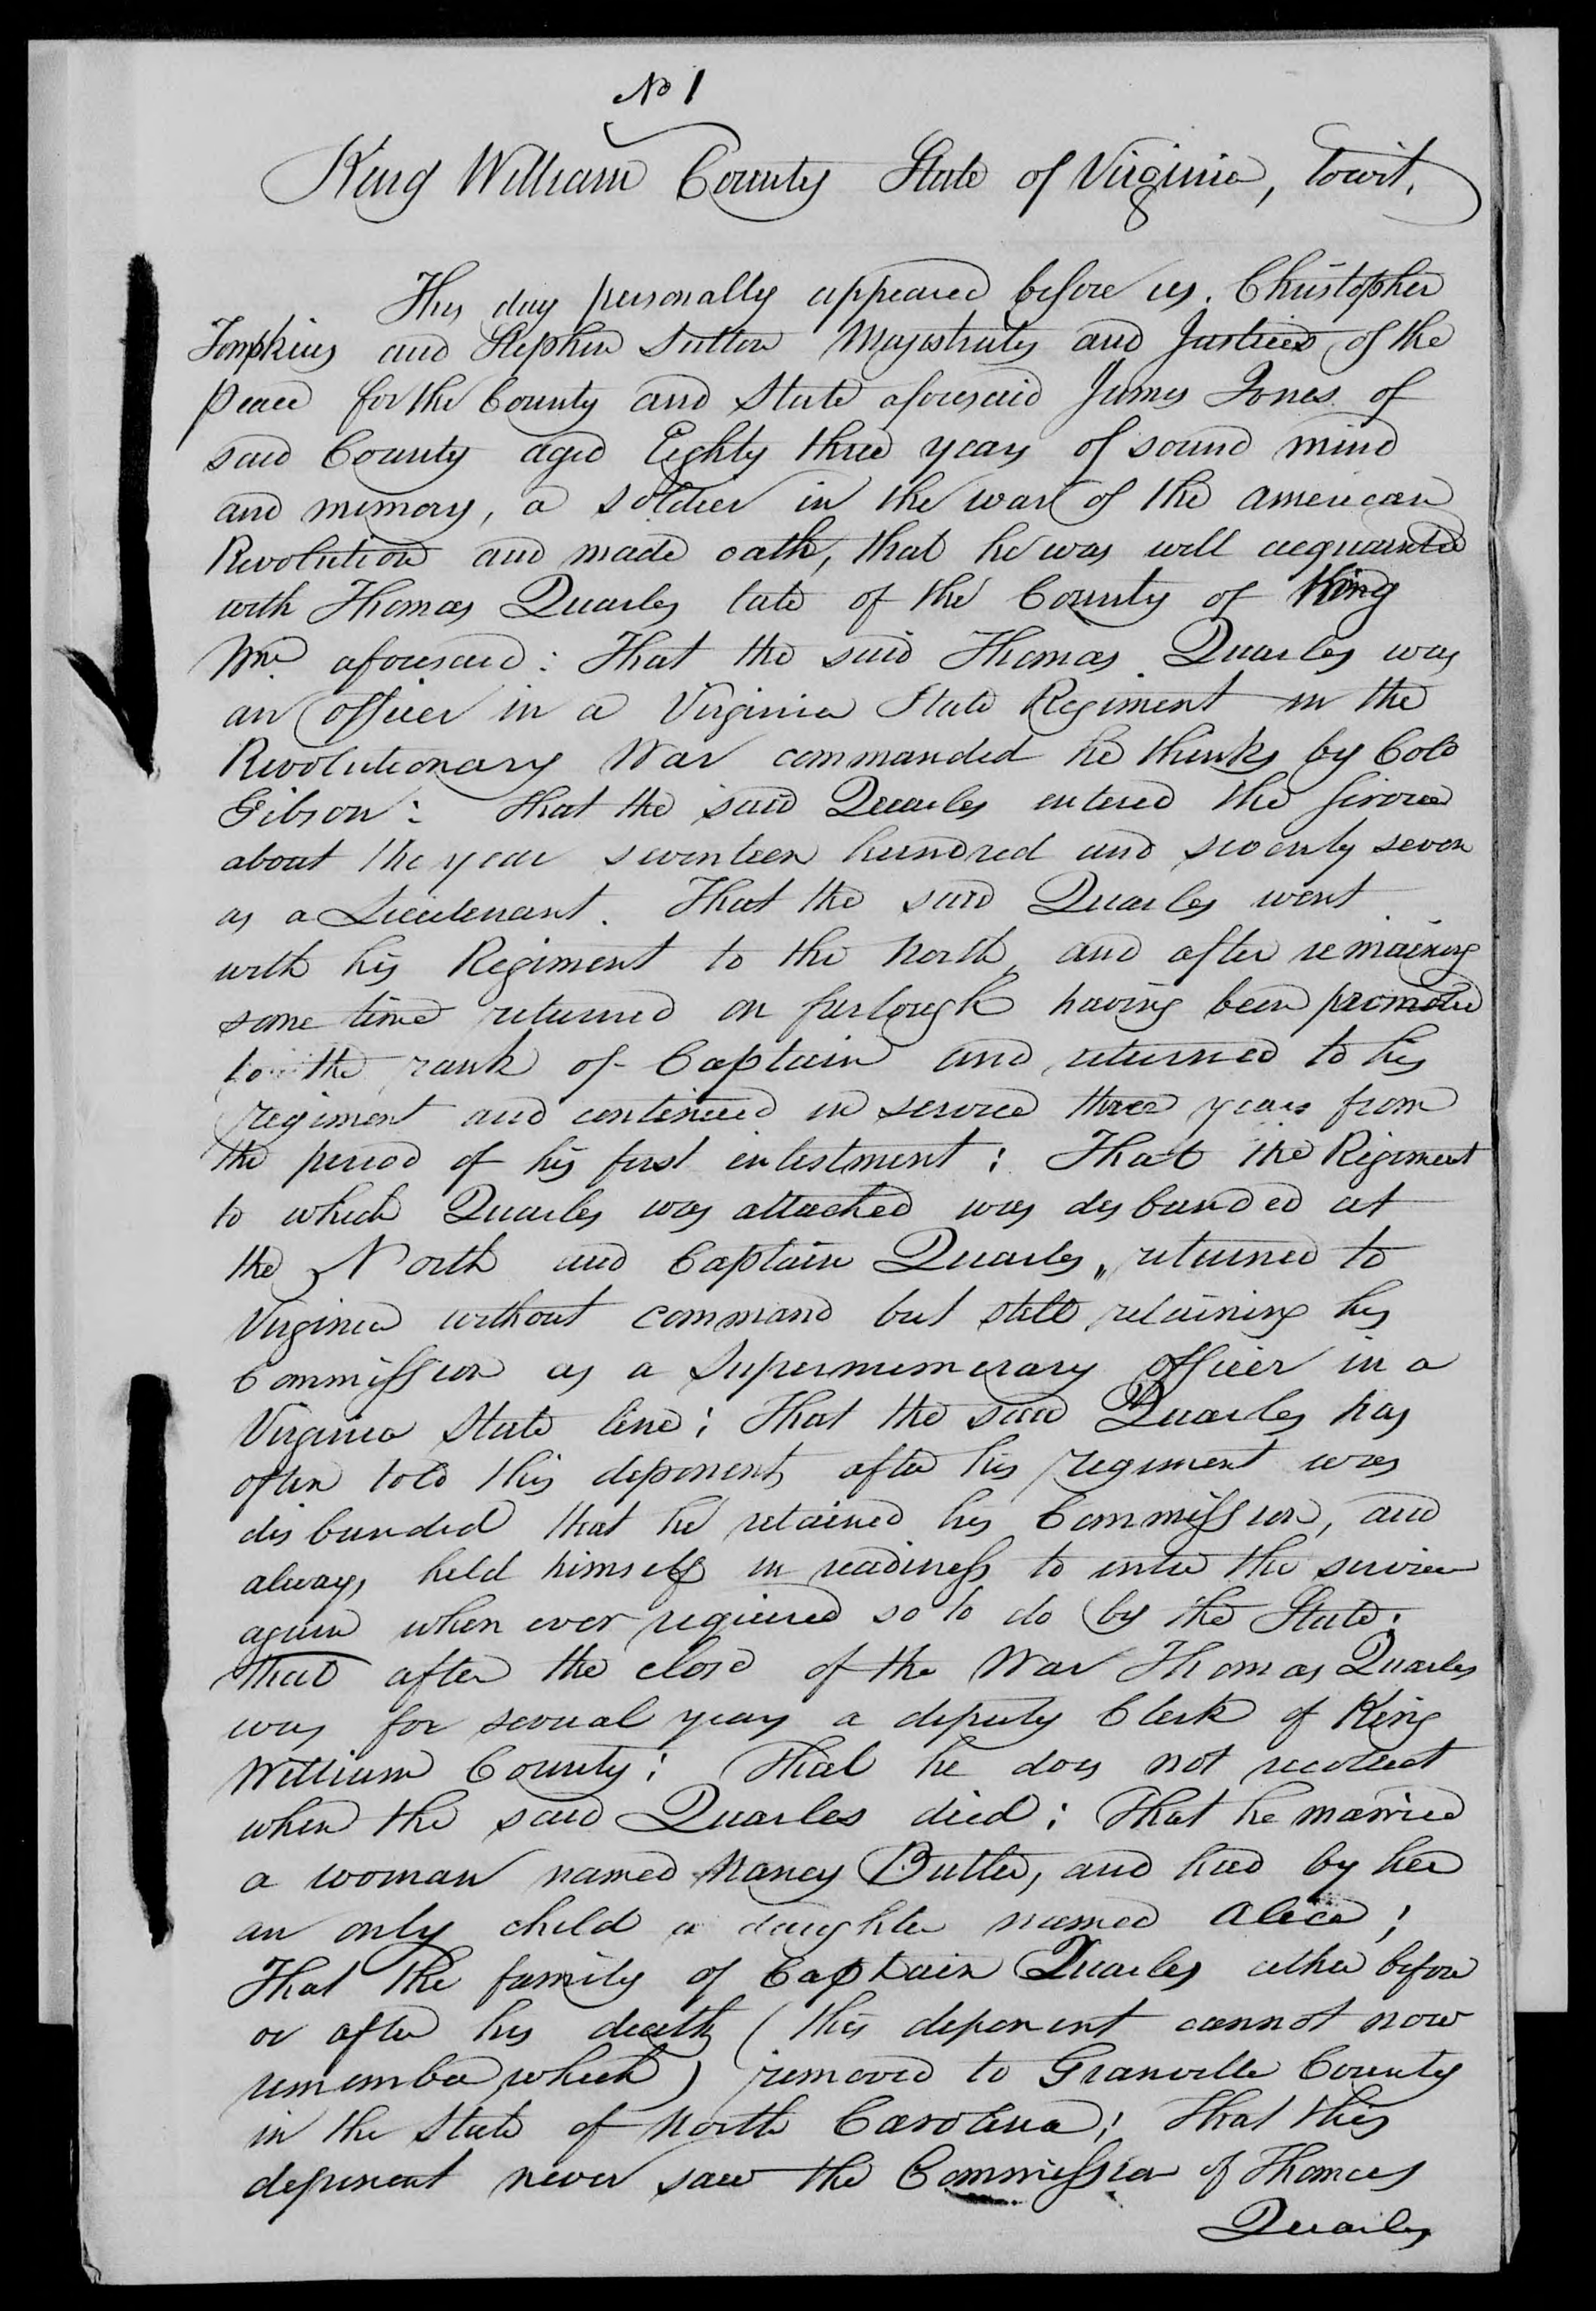No. 1
King William County State of Virginia, to wit,

This day personally appeared before us, Christopher Tompkins and Stephen Sutton magistrates and justices of the peace for the county and state aforesaid James Jones of said county aged eighty three years of sound mind and memory, a soldier in the war of the American Revolution and made oath, that he was well acquainted with Thomas Quarles [?] of the County of King Wi. aforesaid: That the said Thomas Quarles was an officer in a Virginia State Regiment in the Revolutionary War commanded he thinks by Cole Gibson: That the said Quarles entered the service about the year seventeen hundred and seventy seven as a Lieutenant. That the said Quarles went with his Regiment to the north and after remaining some time returned on furlough having been promoted to the rank of Captain and returned to his regiment and continued in service three years from the period of his first enlistment: That the Regiment to which Quarles was attached was disbanded at the North and Captain Quarles returned to Virginia without command but still retaining his commission as a Supernumerary officer in a Virginia state line: That the said Quarles has often told this deponent, after his regiment was disbanded that he retained his Commission, and always held himself in readiness to enter the service again when ever required so to do by the State: That after the close of the War Thomas Quarles was for several years as a deputy clerk of King William County: That he does not recollect when the said Quarles died: that he married a woman named Nancy Butler, and had by her an only child a daughter named Alice; That the family of Captain Quarles either before or after his death (this deponent cannot now remember which) removed to Granville County in the state of North Carolina: That this deponent never saw the Commission of Thomas Quarles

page: 4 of 22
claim: rejected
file: R. 17251, for Thomas Quarles, Virginia